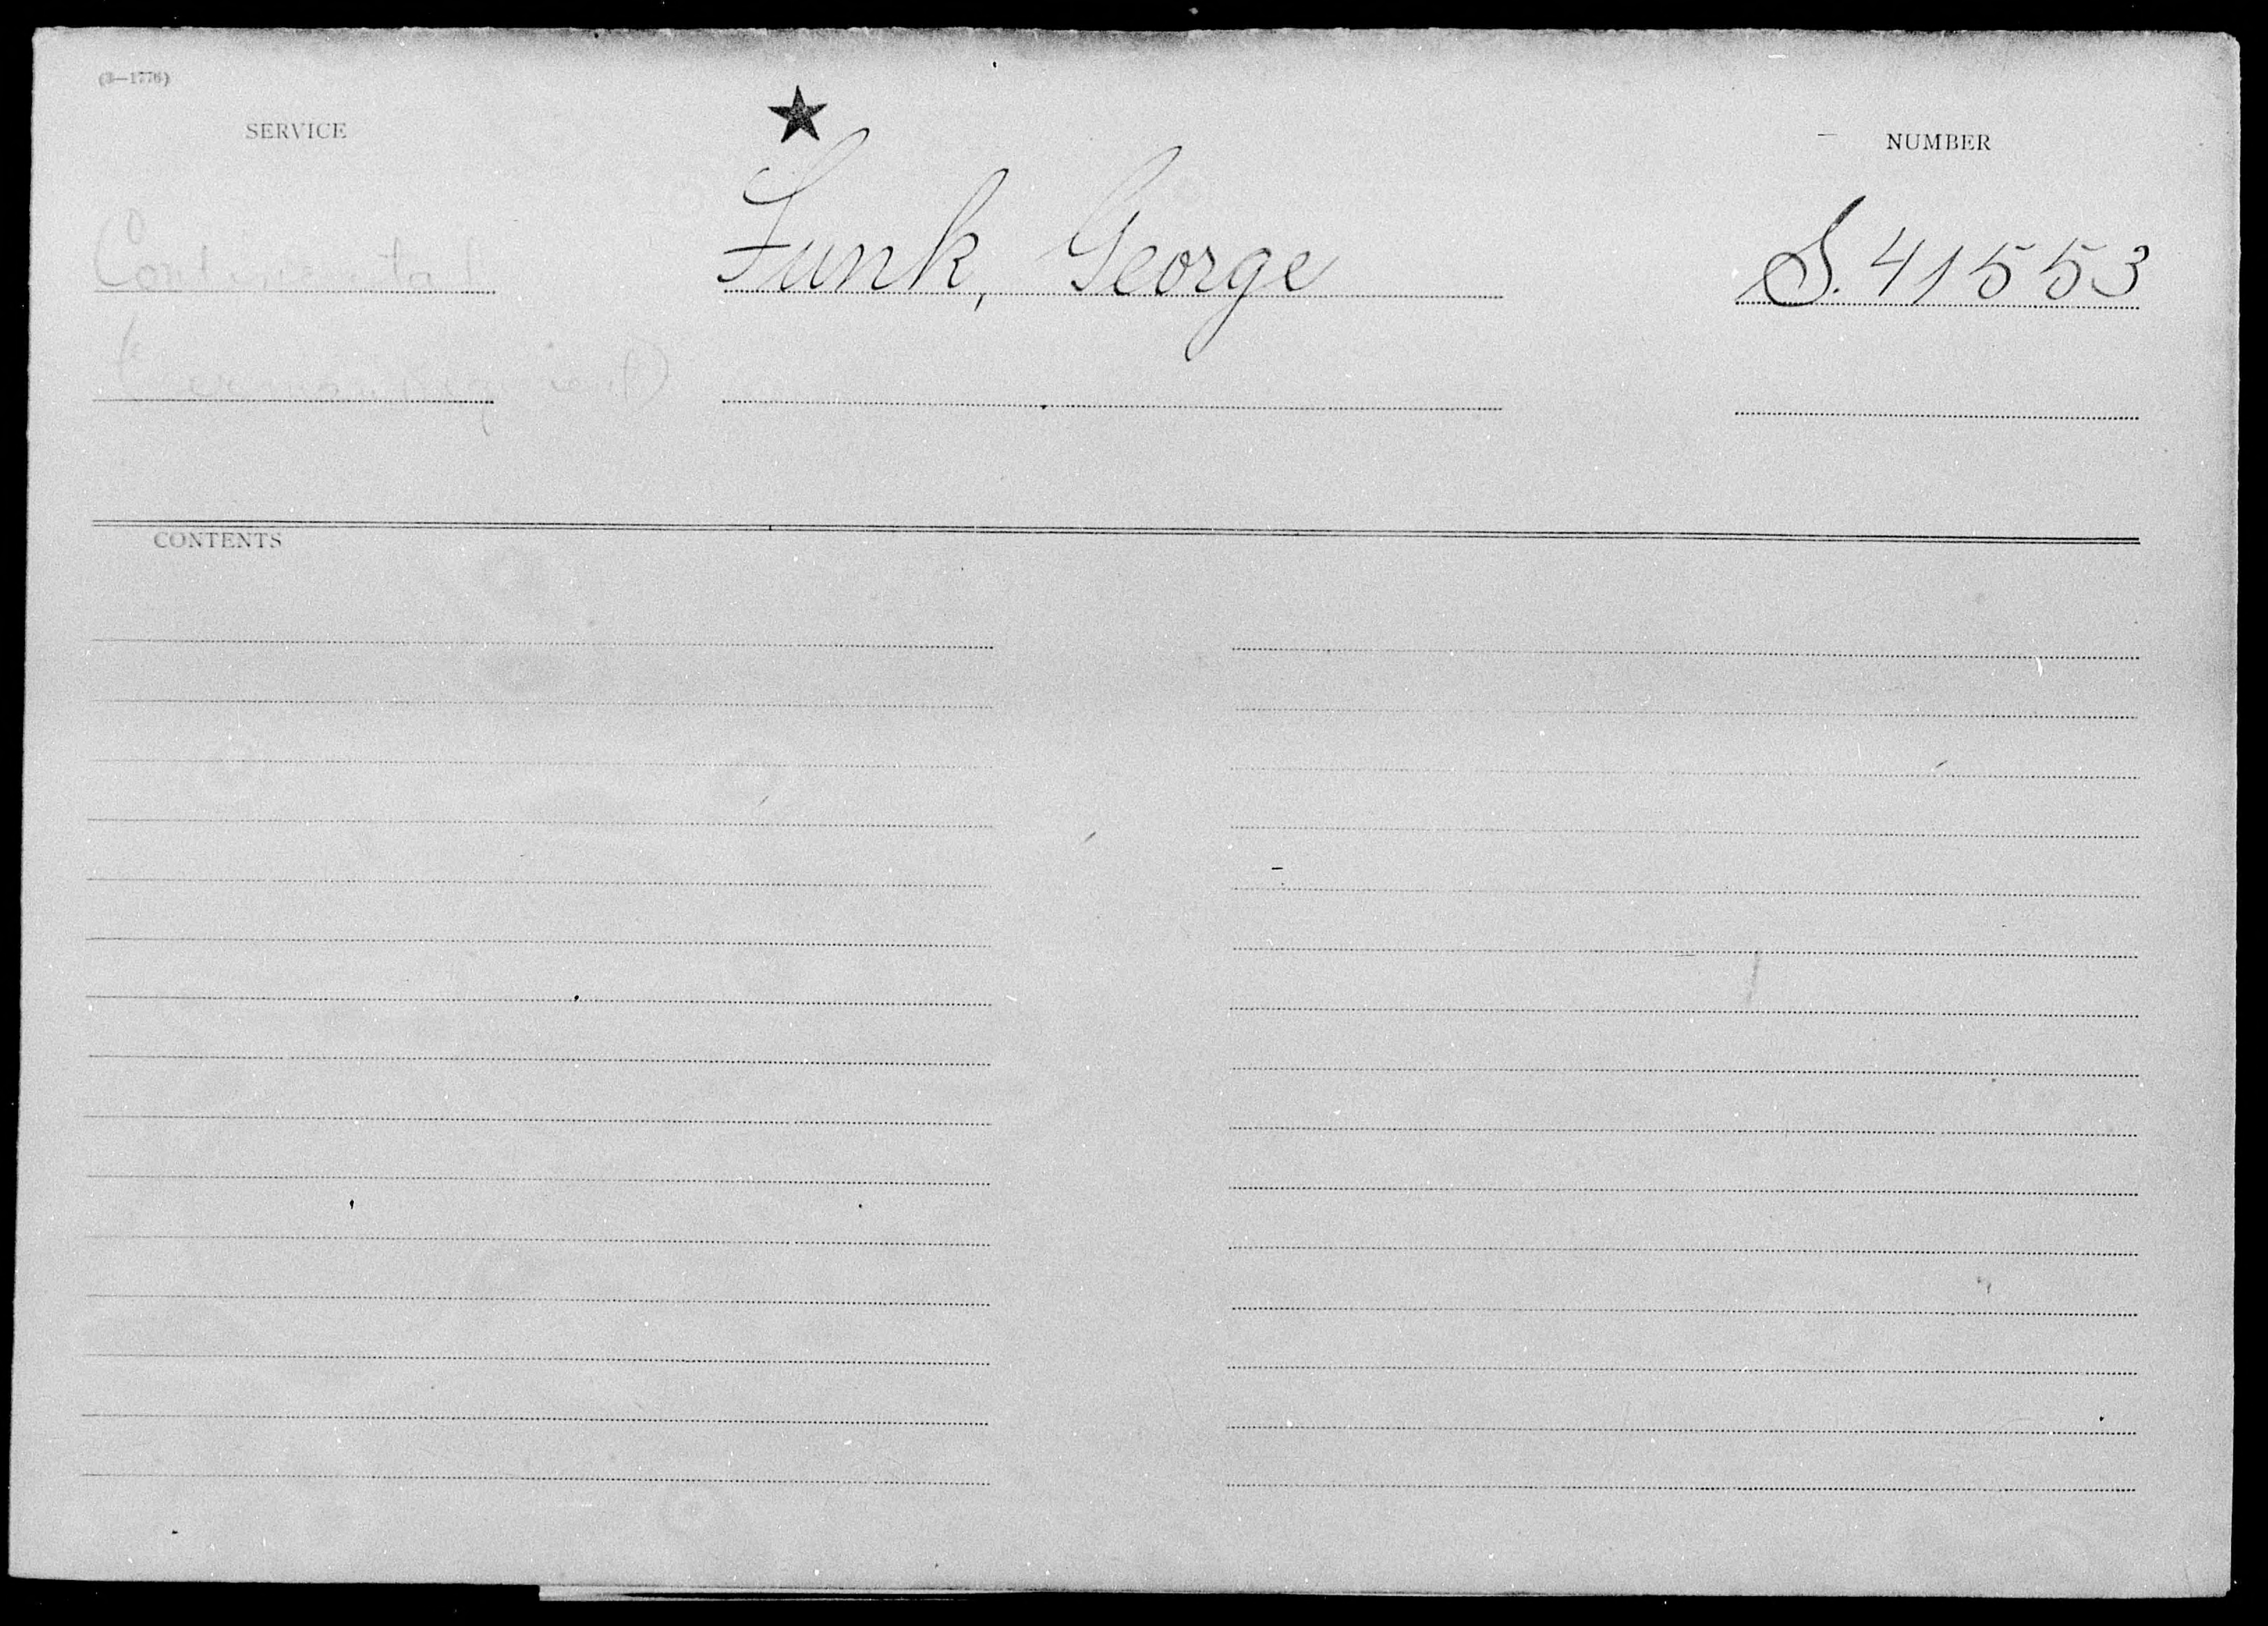(3-1776)
SERVICE
Continental (German Regiment)
Funk, George
NUMBER
S.1553
CONTENTS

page: 1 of 11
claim: survivor's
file: S. 41553, George Funk, Continental (German Regiment)